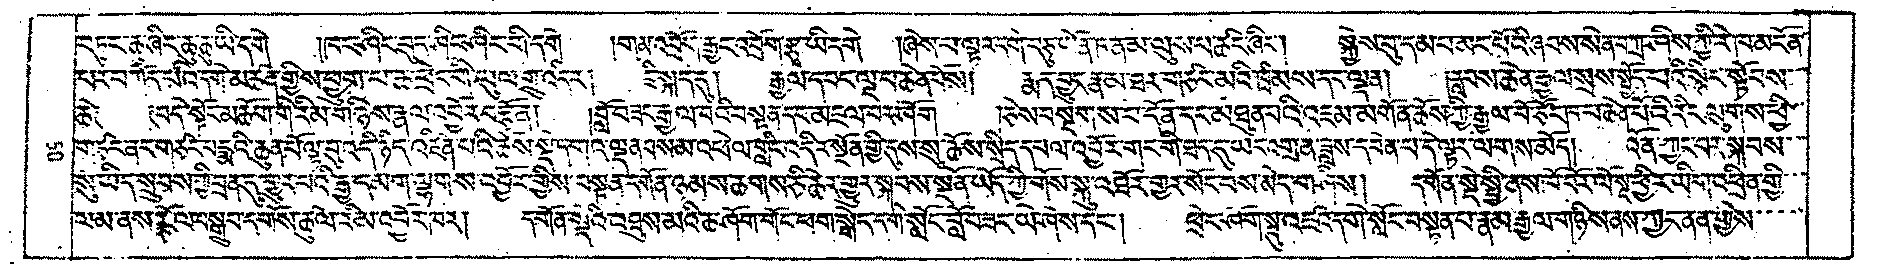བཏུང་ཆུ་ཞིང་ཆུ་ཆུ་ཡི་དགེ །ཁང་ཤིང་བུད་ཤིང་ཤིང་གི་དགེ །གམ་འབྲོག་རྒྱང་འབྲོག་རྩྭ་ཡི་དགེ །ཞེས་པ་ལྟར་དགེ་བཅུ་ཡོན་ཏན་མ་ལུས་པ་ཚང་ཞིང་། སྐྱེས་བུ་དམ་པ་མང་པོའི་ཞབས་སེན་བཀྲ་ཤིས་ཀྱི་རེ་ཁ་མངོན་
པར་བཀོད་པའི་དགེ་མཚན་གྱིས་ཕྱུག་པ་ཆ་ཕྲེང་གི་ཡུལ་གྲུ་འདིར། ཇི་སྐད་དུ། རྒྱལ་དབང་ལྔ་པ་ཆེན་པོས། རྨད་བྱུང་རྣམ་ཐར་གཙང་མའི་ཁྲིམས་དང་ལྡན། །རླབས་ཆེན་རྒྱལ་སྲས་སྤྱོད་པའི་སྙིང་སྟོབས་
ཆེ། །བདེ་སྟོང་མཆོག་གི་རིམ་གཉིས་རྣལ་འབྱོར་བརྩོན། །བློ་བཟང་རྒྱལ་བའི་བསྟན་དང་མཇལ་བར་ཤོག །ཅེས་བསྔགས་པ་དོན་དང་མཐུན་པའི་འཇམ་མགོན་ཆོས་ཀྱི་རྒྱལ་པོ་ཙོང་ཁ་པ་ཆེན་པོའི་རིང་ལུགས་ཕྱི་
གཙང་ནང་གཙང་པདམའི་ཆུན་པོ་ལྟ་བུ་འདི་ཉིད་འཛིན་པའི་ཆོས་སྡེ་དགའ་ལྡན་བསམ་འཕེལ་གླིང་འདིར་སྔོན་གྱི་དུས་སུ་ཆོས་སྲིད་དཔལ་འབྱོར་གང་གི་ཐད་དུ་ཡང་འགྲན་ཟླས་དབེན་པ་དེ་ལྟར་ལགས་མོད། འོན་ཀྱང་བར་སྐབས་
སུ་ཡིད་སྲུབས་ཀྱི་བྲན་དུ་གྱུར་པའི་རྒྱ་དམག་ལྷགས་འབྱོར་གྱིས་བསྟན་དགོན་ཉམས་ཆགས་ཅི་ཆེར་གྱུར་སྐབས་སྔོན་ཡོད་ཀྱི་གོས་སྐུ་འཐོར་གྱར་སོང་བས་མེད་གཤིས། དགོན་སྡེ་སྤྱི་ནས་ཁོ་བོར་ལོ་སྔ་ཕྱིར་ཡིག་འཕྲིན་གྱི་
ལམ་ནས་རོ?་ལ་བསྒྲུབ་དགོས་ཚུལ་རིམ་འབྱོར་ཁར། དགོན་སྡེའི་འཐུས་མའི་ཆ་ཤོག་གོང་ཕག་སྒེད་དགེ་སློང་བློ་བཟང་ཡེ་ཤེས་དང་། ཕྲེང་ཤོག་སྤུ་འཛའ་དགེ་སློང་བསྟན་པ་རྣམ་རྒྱལ་གཉིས་ནས་ཀྱང་ནན་གྱིས་